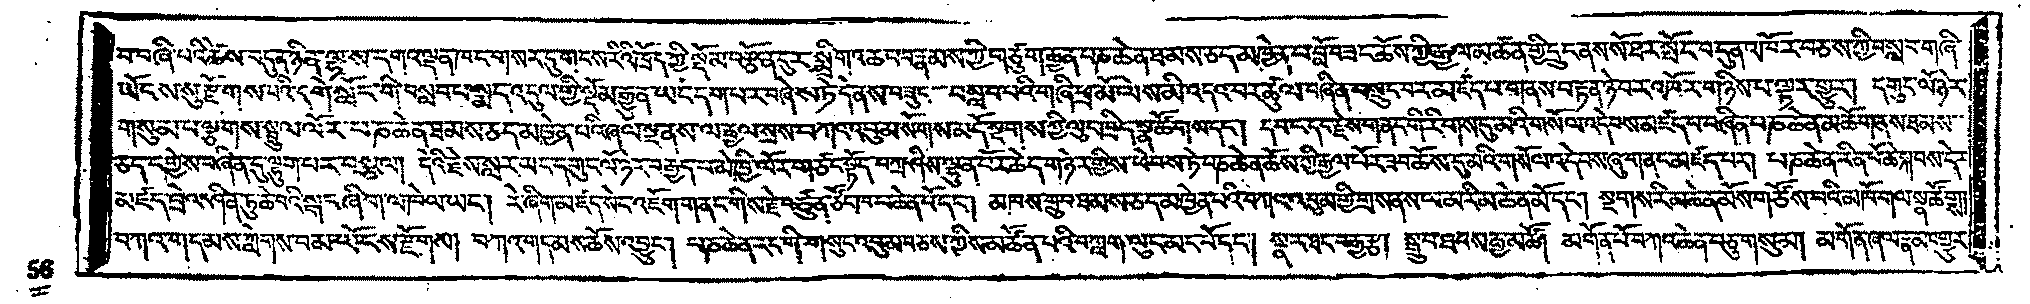བ་བཞི་པའི་ཚེས་བདུན་ཉིན་ལྷས་དགའ་ལྡན་ཁང་གསར་དུ་གངས་རིའི་ཁྲོད་ཀྱི་སྡོམ་བརྩོན་ངུར་སྨྲིག་འཆང་བ་རྣམས་ཀྱི་གཙུག་རྒྱན་པཎ་ཆེན་ཐམས་ཅད་མཁྱེན་པ་བློ་བཟང་ཆོས་ཀྱི་རྒྱལ་མཚན་གྱི་དྲུང་ནས་སོ་ཐར་སྤོང་བདུན་འཁོར་བཅས་ཀྱི་བསླབ་གཞི་
ཡོངས་སུ་རྫོགས་པའི་དགེ་སློང་གི་བསླབ་པ་སྨད་འདུལ་གྱི་སྡོམ་རྒྱུན་ཡང་དག་པར་བཞེས་ཏེ་དེ་ནས་བཟུང་བསླབ་པའི་གཞི་ཕྲ་མོ་ལེས་མི་འདའ་བར་ཚུལ་བཞིན་བསྲུང་བར་མཛད་པ་གནས་བརྟན་ཉེ་བར་འཁོར་གཉིས་པ་ལྟར་གྱུར། དགུང་ལོ་ཉེར་
གསུམ་པ་ལྕགས་སྦྲུལ་ལོར་པཎ་ཆེན་ཐམས་ཅད་མཁྱེན་པའི་ཞལ་སྔ་ནས་ལ་རྒྱལ་སྲས་བཀའ་འབུམ་སོགས་མདོ་སྔགས་ཀྱི་ལུང་ཁྲིད་སྣ་ཚོགས་དང་། དབང་དང་རྗེས་གནང་གི་རིགས་དུ་མའི་གསོལ་འདེབས་མཛད་པ་བཞིན་པཎ་ཆེན་མཆོག་ནས་ཐམས་
ཅད་དགྱེས་བཞིན་དུ་ལྷུག་པར་བསྩལ། དེའི་རྗེས་སླར་ཡང་དགུང་ལོ་ཉེར་བརྒྱད་པ་མེ་ཁྱི་ལོར་གཙང་སྟོད་བཀྲ་ཤིས་ལྷུན་པོར་ཆེད་གཉེར་གྱིས་ཕེབས་ཏེ་པཎ་ཆེན་ཆོས་ཀྱི་རྒྱལ་པོར་ཟབ་ཆོས་དུ་མའི་གསོལ་འདེབས་ཞུ་གནང་མཛད་པར། པཎ་ཆེན་རིན་པོ་ཆེ་སྐབས་དེར་
མཛད་བྲེལ་ཤིན་ཏུ་ཆེ་བའི་སྒང་ཞིག་ལ་ཁེལ་ཡང་། རེ་ཞིག་མཛད་སེང་འཇོག་གནང་གིས་རྗེ་བཙུན་ཙོང་ཁ་པ་ཆེན་པོ་དང་། མཁས་གྲུབ་ཐམས་ཅད་མཁྱེན་པའི་བཀའ་འབུམ་གྱི་གྲས་ནས་ལམ་རིམ་ཆེན་མོ་དང་། སྔགས་རིམ་ཆེན་མོས་གཙོས་པའི་མཁོ་གལ་སྣ་ཚོགས།
བཀའ་གདམས་ཀླེགས་བམ་ཡོངས་རྫོགས། བཀའ་གདམས་ཆོས་འབྱུང་། པཎ་ཆེན་རང་གི་གསུང་འབུམ་བཅས་ཀྱིས་མཚོན་པའི་བཀླག་ལུང་མང་པོ་དང་། སྣར་ཐང་བརྒྱ་རྩ། སྒྲུབ་ཐབས་རྒྱ་མཚོ། མགོན་པོ་བཀའ་ཆེན་བཅུ་གསུམ། མགོན་ཞལ་རྣམ་འགྱུར་